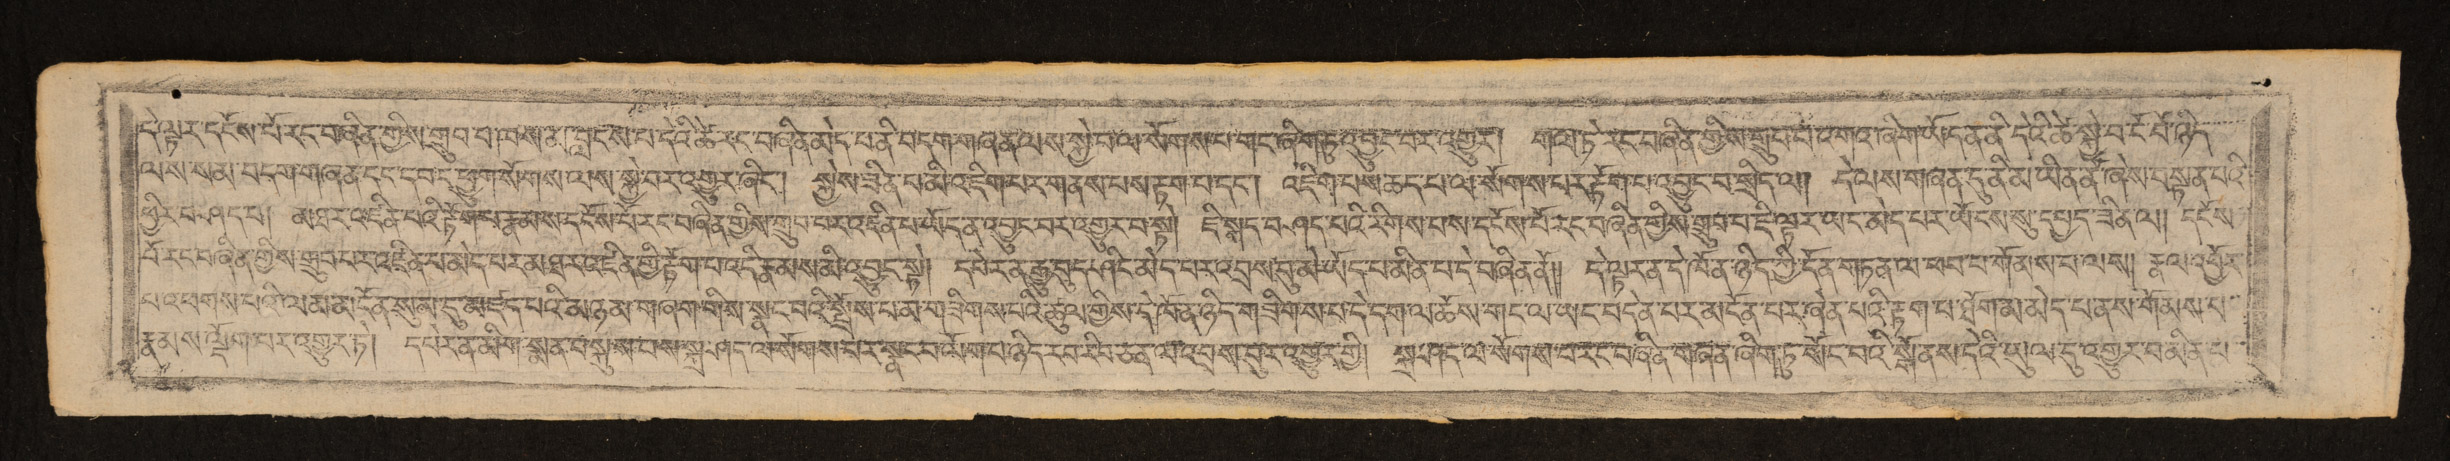དེ་ལྟར་དངོས་པོ་རང་བཞིན་གྱིས་གྲུབ་པ་ཁས་མ་བླངས་པ་དེའི་ཚེ་རང་བཞིན་མེད་པ་ནི་བདག་གཞན་ལས་སྐྱེ་བ་ལ་སོགས་པ་གང་ཞིག་ཏུ་འབྱུང་བར་འགྱུར། གལ་ཏེ་རང་བཞིན་གྱིས་གྲུབ་པ་འགའ་ཞིག་ཡོད་ན་ནི་དེའི་ཚེ་སྐྱེ་བ་ངོ་བོ་ཉིད་
ལས་སམ་བདག་གཞན་དང་དབང་ཕྱུག་སོགས་ལས་སྐྱེ་བར་འགྱུར་ཞིང་། སྐྱེས་ཟིན་པ་མི་འཇིག་པར་གནས་པས་རྟག་པ་དང་། འཇིག་པས་ཆད་པ་ལ་སོགས་པར་རྟོག་པ་འབྱུང་བ་སྲིད་ལ། དེ་ལས་གཞན་དུ་ནི་མ་ཡིན་ནོ་ཞེས་བསྟན་པའི་
ཕྱིར་བཤད་པ། མཐར་འཛིན་པའི་རྟོག་པ་རྣམས་དངོས་པོ་རང་བཞིན་གྱིས་གྲུབ་པར་འཛིན་པ་ཡོད་ན་འབྱུང་བར་འགྱུར་བ་སྟེ། ཇི་སྐད་བཤད་པའི་རིགས་པས་དངོས་པོ་རང་བཞིན་གྱིས་གྲུབ་པ་ཇི་ལྟར་ཡང་མེད་པར་ཡོངས་སུ་དཔྱད་ཟིན་ལ། དངོས་
པོ་རང་བཞིན་གྱིས་གྲུབ་པར་འཛིན་པ་མེད་པར་མཐར་འཛིན་གྱི་རྟོག་པ་འདི་རྣམས་མི་འབྱུང་སྟེ། དཔེར་ན་རྒྱུ་བུད་ཤིང་མེད་པར་འབྲས་བུ་མེ་ཡོད་པ་མིན་པ་དེ་བཞིན་ནོ།། དེ་ལྟར་ན་དེ་ཁོ་ན་ཉིད་ཀྱི་དོན་གཏན་ལ་ཕབ་པ་གོམས་པ་ལས། རྣལ་འབྱོར་
པ་འཕགས་པའི་ལམ་མངོན་སུམ་དུ་མཛད་པའི་མཉམ་གཞག་གིས་སྣང་བའི་སྤྲོས་པ་མ་གཟིགས་པའི་ཚུལ་གྱིས་དེ་ཁོ་ན་ཉིད་གཟིགས་པ་དེ་དག་ལ་ཆོས་གང་ལ་ཡང་བདེན་པར་མངོན་པར་ཞེན་པའི་རྟག་པ་ཐོག་མ་མེད་པ་ནས་གོམས་པ་
རྣམས་ལྡོག་པར་འགྱུར་ཏེ། དཔེར་ན་མིག་སྨན་བསྐུས་པས་སྐྲ་ཤད་ལ་སོགས་པར་སྣང་བ་ལོག་པ་ཉིད་རབ་རིབ་ཅན་ལ་འབྲས་བུར་འགྱུར་གྱི། སྐྲ་ཤད་ལ་སོགས་པ་རང་བཞིན་གཞན་ཞིག་ཏུ་སོང་བའི་སྒོ་ནས་དེའི་ཡུལ་དུ་འགྱུར་བ་མིན་པ་